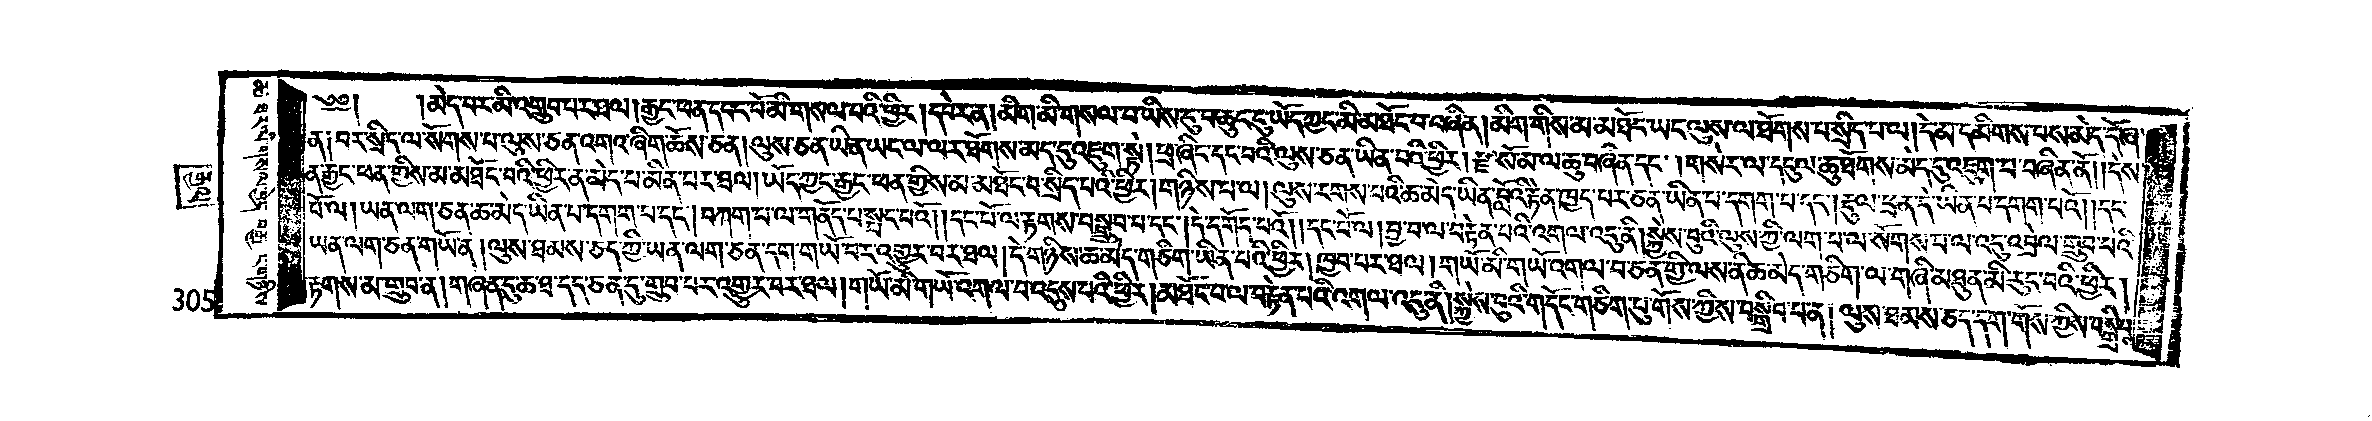༄༅། །མེད་པར་མི་འགྲུབ་པར་ཐལ། རྒྱང་ཕན་དབང་པོ་མི་གསལ་བའི་ཕྱིར་།དཔེར་ན། མིག་མི་གསལ་བ་ཡིས་དུ་བ་ཆུང་དུ་ཡོད་ཀྱང་མི་མཐོང་བ་བཞིན། མིག་གིས་མ་མཐོང་ཡང་ལུས་ལ་ཐོགས་པ་སྲིད་པ་ལ། དེ་མ་དམིགས་པས་མེད་དོ་ཞེ་
ན། བར་སྲིད་ལ་སོགས་པ་ལུས་ཅན་འགའ་ཞིག་ཆོས་ཅན། ལུས་ཅན་ཡིན་ཡང་ལ་ལར་ཐོགས་མེད་དུ་འཇུག་སྟེ། ཕྲ་ཞིང་དང་བའི་ལུས་ཅན་ཡིན་པའི་ཕྱིར། རྫ་སོ་མ་ལ་ཆུ་བཞིན་དང་། གསེར་ལ་དངུལ་ཆུ་ཐོགས་མེད་དུ་འཇུག་པ་བཞིན་ནོ། །དེས་
ན་རྒྱང་ཕན་གྱིས་མ་མཐོང་བའི་ཕྱིར་ན་མེད་པ་མིན་པར་ཐལ། ཡོད་ཀྱང་རྒྱང་ཕན་གྱིས་མ་མཐོང་བ་སྲིད་པའི་ཕྱིར། གཉིས་པ་ལ། ལུས་རགས་པའི་ཆ་མེད་ཡིན་བློའི་རྟེན་ཁྱད་པར་ཅན་ཡིན་པ་དགག་པ་དང་། རྡུལ་ཕྲན་དེ་ཡིན་པ་དགག་པའོ། །དང་
པོ་ལ། ཡན་ལག་ཅན་ཆ་མེད་ཡིན་པ་དགག་པ་དང་། བཀག་པ་ལ་གནོད་པ་སྤང་པའོ། །དང་པོ་ལ་རྟགས་བསྒྲུབ་པ་དང་།དེ་དགོད་པའོ། །དང་པོ་ལ། བྱ་བ་ལ་བརྟེན་པའི་འགལ་འདུ་ནི། སྐྱེས་བུའི་ལུས་ཀྱི་ལག་པ་ལ་སོགས་པ་ལ་འདུ་འབྲེལ་གྲུབ་པའི་
ཡན་ལག་ཅན་གཡོན་།ལུས་ཐམས་ཅད་ཀྱི་ཡན་ལག་ཅན་དག་གཡོ་བར་འགྱུར་བར་ཐལ་།དེ་གཉིས་ཆ་མེད་གཅིག་ཡིན་པའི་ཕྱིར། ཁྱབ་པར་ཐལ། གཡོ་མི་གཡོ་འགལ་བ་ཅན་གྱི་ལས་ནི་ཆ་མེད་གཅིག་ལ་གཞི་མཐུན་མི་རུང་བའི་ཕྱིར།
རྟགས་མ་གྲུབ་ན། གཞན་དུ་ཆ་ཐ་དད་ཅན་དུ་གྲུབ་པར་འགྱུར་བར་ཐལ། གཡོ་མི་གཡོ་འགལ་བ་འདུས་པའི་ཕྱིར། མཐོང་བ་ལ་བརྟེན་པའི་འགལ་འདུ་ནི། སྐྱེས་བུའི་གདོང་གཅིག་པུ་གོས་ཀྱིས་བསྒྲིབ་པ་ན། ལུས་ཐམས་ཅད་དག་གོས་ཀྱིས་བསྒྲིབས་